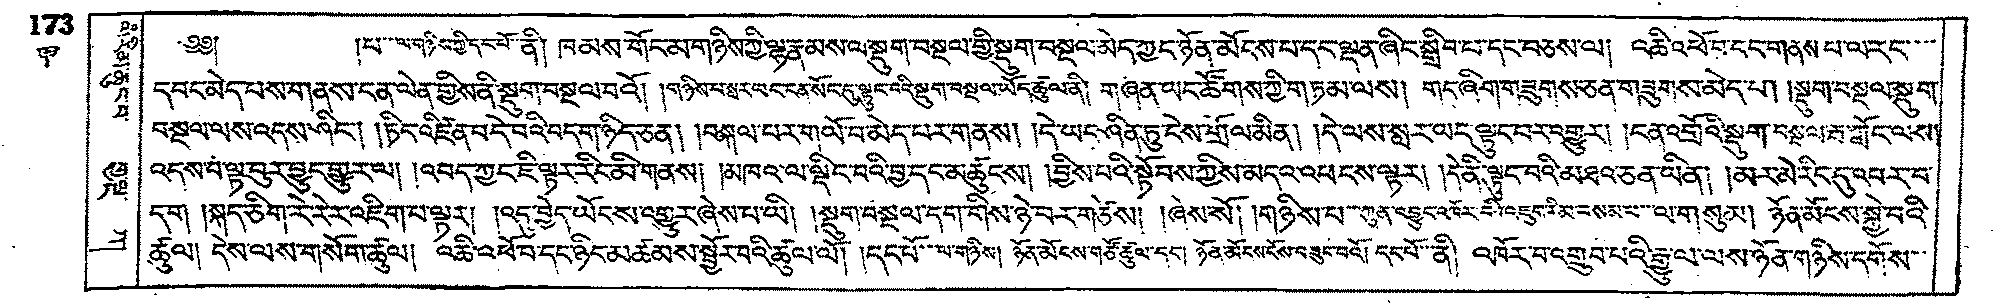༄༅། །པལ་གཉིས་ཀྱི་དང་པོནི། ཁམས་གོང་མ་གཉིས་ཀྱི་ལྷ་རྣམས་ལ་སྡུག་བསྔལ་གྱི་སྡུག་བསྔལ་མེད་ཀྱང་ཉོན་མོངས་པ་དང་ལྡན་ཞིང་སྒྲིབ་པ་དང་བཅས་ལ། འཆི་འཕོ་བ་དང་གནས་པ་ལ་རང་
དབང་མེད་པས་གནས་ངན་ལེན་གྱིས་ནི་སྡུག་བསྔལ་བའོ། །གཉིས་པ་སླར་ཡང་ངན་སོང་དུ་ལྟུང་བའི་སྡུག་བསྔལ་ཡོད་ཚུལ་ནི།  གཞན་ཡང་ཚོགས་ཀྱི་གཏམ་ལས། གང་ཞིག་གཟུགས་ཅན་གཟུགས་མེད་པ། །སྡུག་བསྔལ་སྡུག་
བསྔལ་ལས་འདས་ཤིང་། །ཏིང་འཛིན་བདེ་བའི་བདག་ཉིད་ཅན། །བསྐལ་པར་གཡོ་བ་མེད་པར་གནས། །དེ་ཡང་ཤིན་ཏུ་ངེས་གྲོལ་མིན། །དེ་ལས་སླར་ཡང་ལྟུང་བར་འགྱུར། །ངན་འགྲོའི་སྡུག་བསྔལ་རྦ་ཀློང་ལས།
འདས་པ་ལྟ་བུར་བྱུང་གྱུར་ལ། །འབད་ཀྱང་ཇི་ལྟར་རིང་མི་གནས། །མཁའ་ལ་ལྡིང་བའི་བྱ་དང་མཚུངས། །བྱིས་པའི་སྟོབས་ཀྱིས་མདའ་འཕངས་ལྟར། །དེ་ནི་ལྟུང་བའི་མཐའ་ཅན་ཡིན། །མར་མེ་རིང་དུ་འབར་བ་
དག །སྐད་ཅིག་རེ་རེར་འཇིག་པ་ལྟར། །འདུ་བྱེད་ཡོངས་འགྱུར་ཞེས་པ་ཡི། །སྡུག་བསྔལ་དག་གིས་ཉེ་བར་གཙེས། །ཞེས་སོ། །གཉིས་པཀུན་འབྱུང་འཁོར་བའི་འཇུག་རིམ་བསམ་པལ་གསུམ། ཉོན་མོངས་སྐྱེ་བའི་
ཚུལ། དེས་ལས་གསོག་ཚུལ། འཆི་འཕོ་བ་དང་ཉིང་མཚམས་སྦྱོར་བའི་ཚུལ་ལོ། །དང་པོལ་གཉིས། ཉོན་མོངས་གཙོ་ཚུལ་དང་། ཉོན་མོངས་ངོས་བཟུང་བའོ། །དང་པོནི། འཁོར་བ་འགྲུབ་པའི་རྒྱུ་ལ་ལས་ཉོན་གཉིས་དགོས་